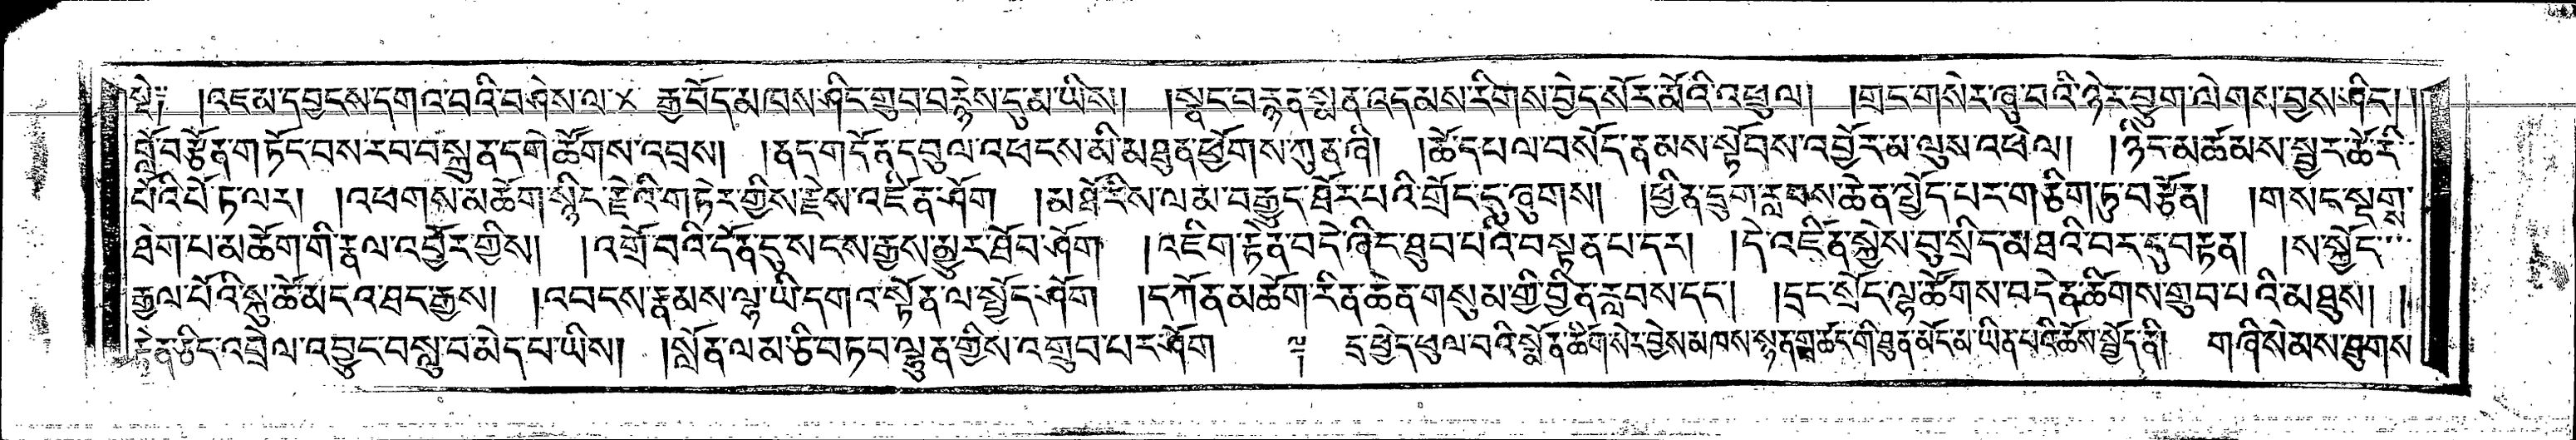སྡེ༑ །འཇམ་དབྱངས་དགའ་བའི་བཤེས་ལ་{྾}་རྒྱ་བོད་མཁས་ཤིང་གྲུབ་བརྙེས་དུ་མ་ཡིས། །སྣང་བརྙན་སྨན་འདམས་རིགས་བྱེད་སོར་མོའི་འཕྲུལ། །གྲང་གསེར་ཞུ་བའི་ཉེར་བྱུག་ལེགས་བྱས་ཤིང་། །
བློ་བརྩོན་གཏོང་བས་རབ་བསྐྲུན་དགེ་ཚོགས་འབྲས། །ནད་གདོན་དབུལ་འཕངས་མི་མཐུན་ཕྱོགས་ཀུན་ཞི། །ཚེ་དཔལ་བསོད་ནམས་སྟོབས་འབྱོར་མ་ལུས་འཕེལ། །ཉིང་མཚམས་སྦྱར་ཚེ་རི་
པོའི་པོ་ཏ་ལར། །འཕགས་མཆོག་སྙིང་རྗེའི་གཏེར་གྱིས་རྗེས་འཛིན་ཤོག །མཐོ་རིས་ལམ་བརྒྱུད་ཐོར་པའི་གྲོང་དུ་ཞུགས། །ཕྱིན་དྲུག་རླབས་ཆེན་སྤྱོད་པར་གཅིག་ཏུ་བརྩོན། །གསང་སྔགས་
ཐེག་པ་མཆོག་གི་རྣལ་འབྱོར་གྱིས། །འགྲོ་བའི་དོན་དུ་སངས་རྒྱས་མྱུར་ཐོབ་ཤོག །འཇིག་རྟེན་བདེ་ཞིང་ཐུབ་པའི་བསྟན་པ་དར། །དེ་འཛིན་སྐྱེས་བུ་སྲིད་མཐའི་བར་དུ་བརྟན། །ས་སྐྱོང་
རྒྱལ་པོའི་སྐུ་ཚེ་མངའ་ཐང་རྒྱས། །འབངས་རྣམས་ལྷ་ཡི་དགའ་སྟོན་ལ་སྤྱོད་ཤོག །དཀོན་མཆོག་རིན་ཆེན་གསུམ་གྱི་བྱིན་རླབས་དང་། །དྲང་སྲོང་ལྷ་ཚོགས་བདེན་ཚིགས་གྲུབ་པའི་མཐུས། །
རྟེན་ཅིང་འབྲེལ་འབྱུང་བསླུ་བ་མེད་པ་ཡིས། །སློན་ལམ་ཅི་བཏབ་ལྷུན་གྱིས་འགྲུབ་པར་ཤོག ༈ དྲ་ཕྱེད་ཕུལ་བའི་སྨོན་ཚིག་སེར་བྱེས་མཁས་སྙན་གྲྭ་ཚང་གི་ཐུན་མོང་མ་ཡིན་པའི་ཆོས་སྤྱོད་ནི། གཞི་སེམས་ཐུགས་